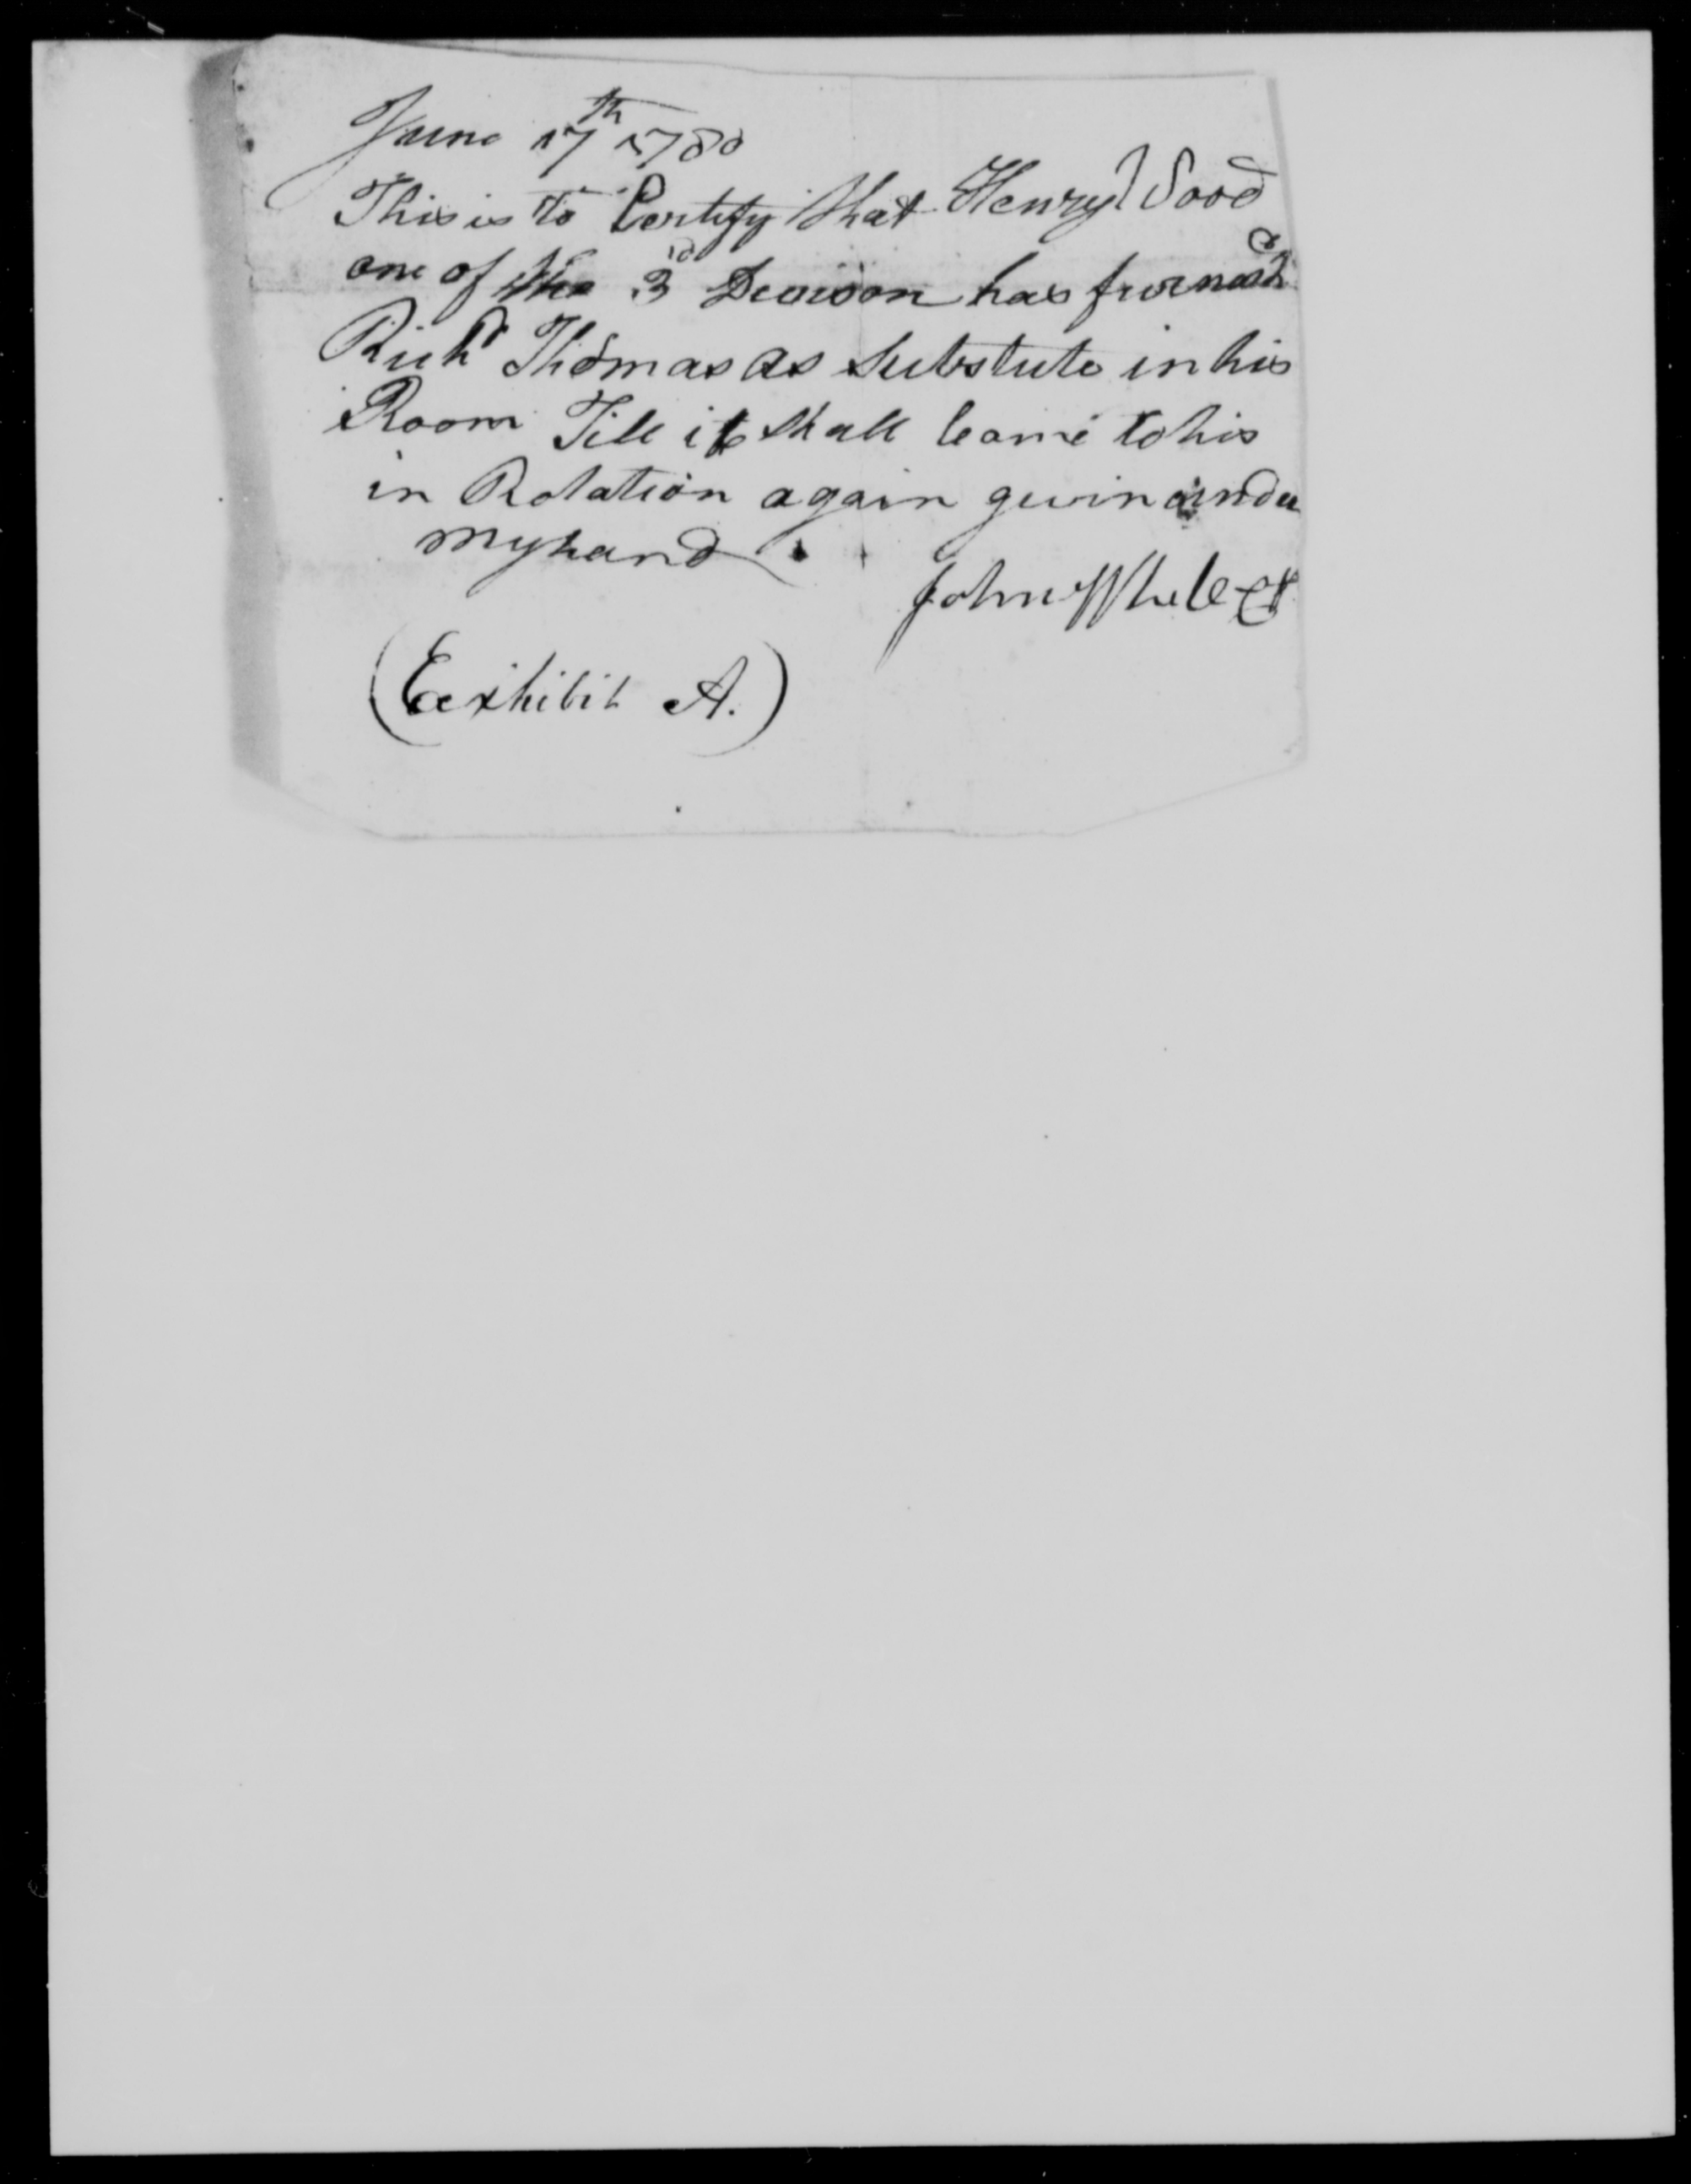June 17th 1780
This is to certify that Henry Wood one of the 3rd Division has furnished Rick Thomas as substitute in his room till it may come to his in rotation again given my hand John White Capt
(Exhibit A)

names: John White, Richd Thomas, Henry Wood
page: 17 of 40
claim: rejected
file: R. 11785, Henry Wood, N. C.